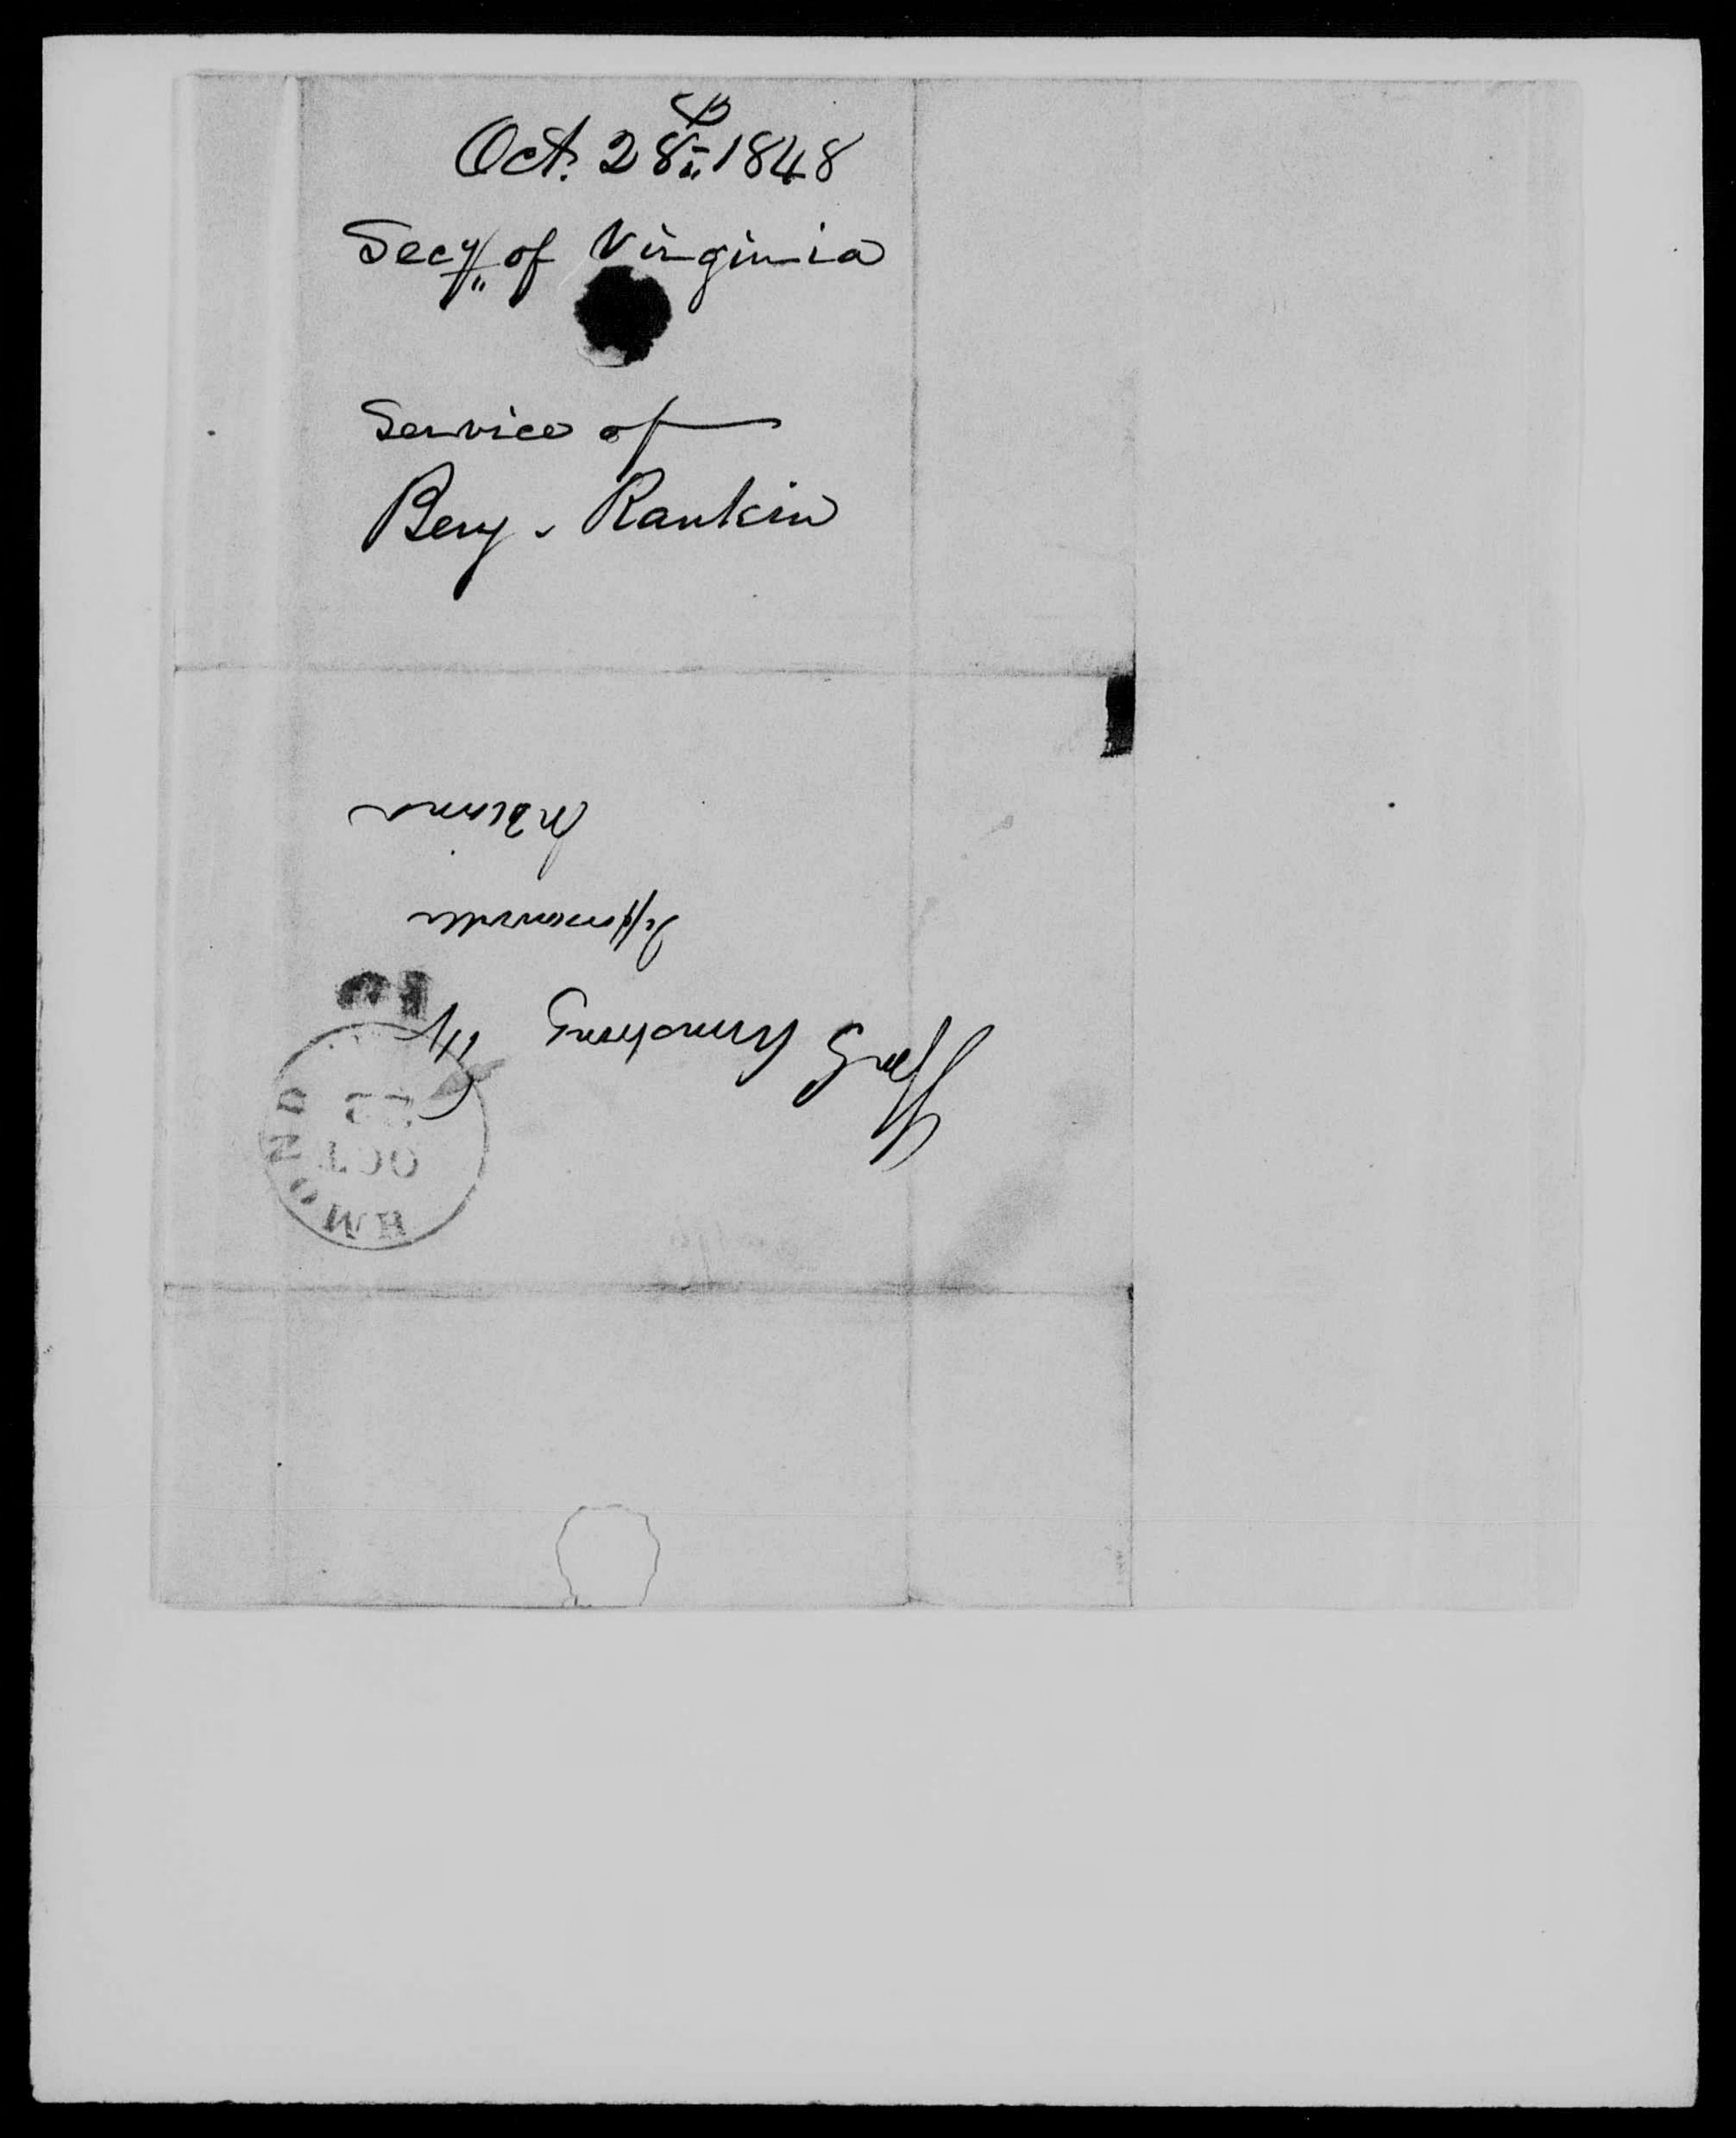Oct 28, 1848
Secy of Virginia

Service of
Benj. Rankin

Wm G Armstrong
[Illegible]
Virginia

[Postal Stamp]
RICHMOND
OCT 22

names: Benj Rankin, Wm G Armstrong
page: 80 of 84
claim: widow's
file: W. 7744, Daniel Hickey, Penn.